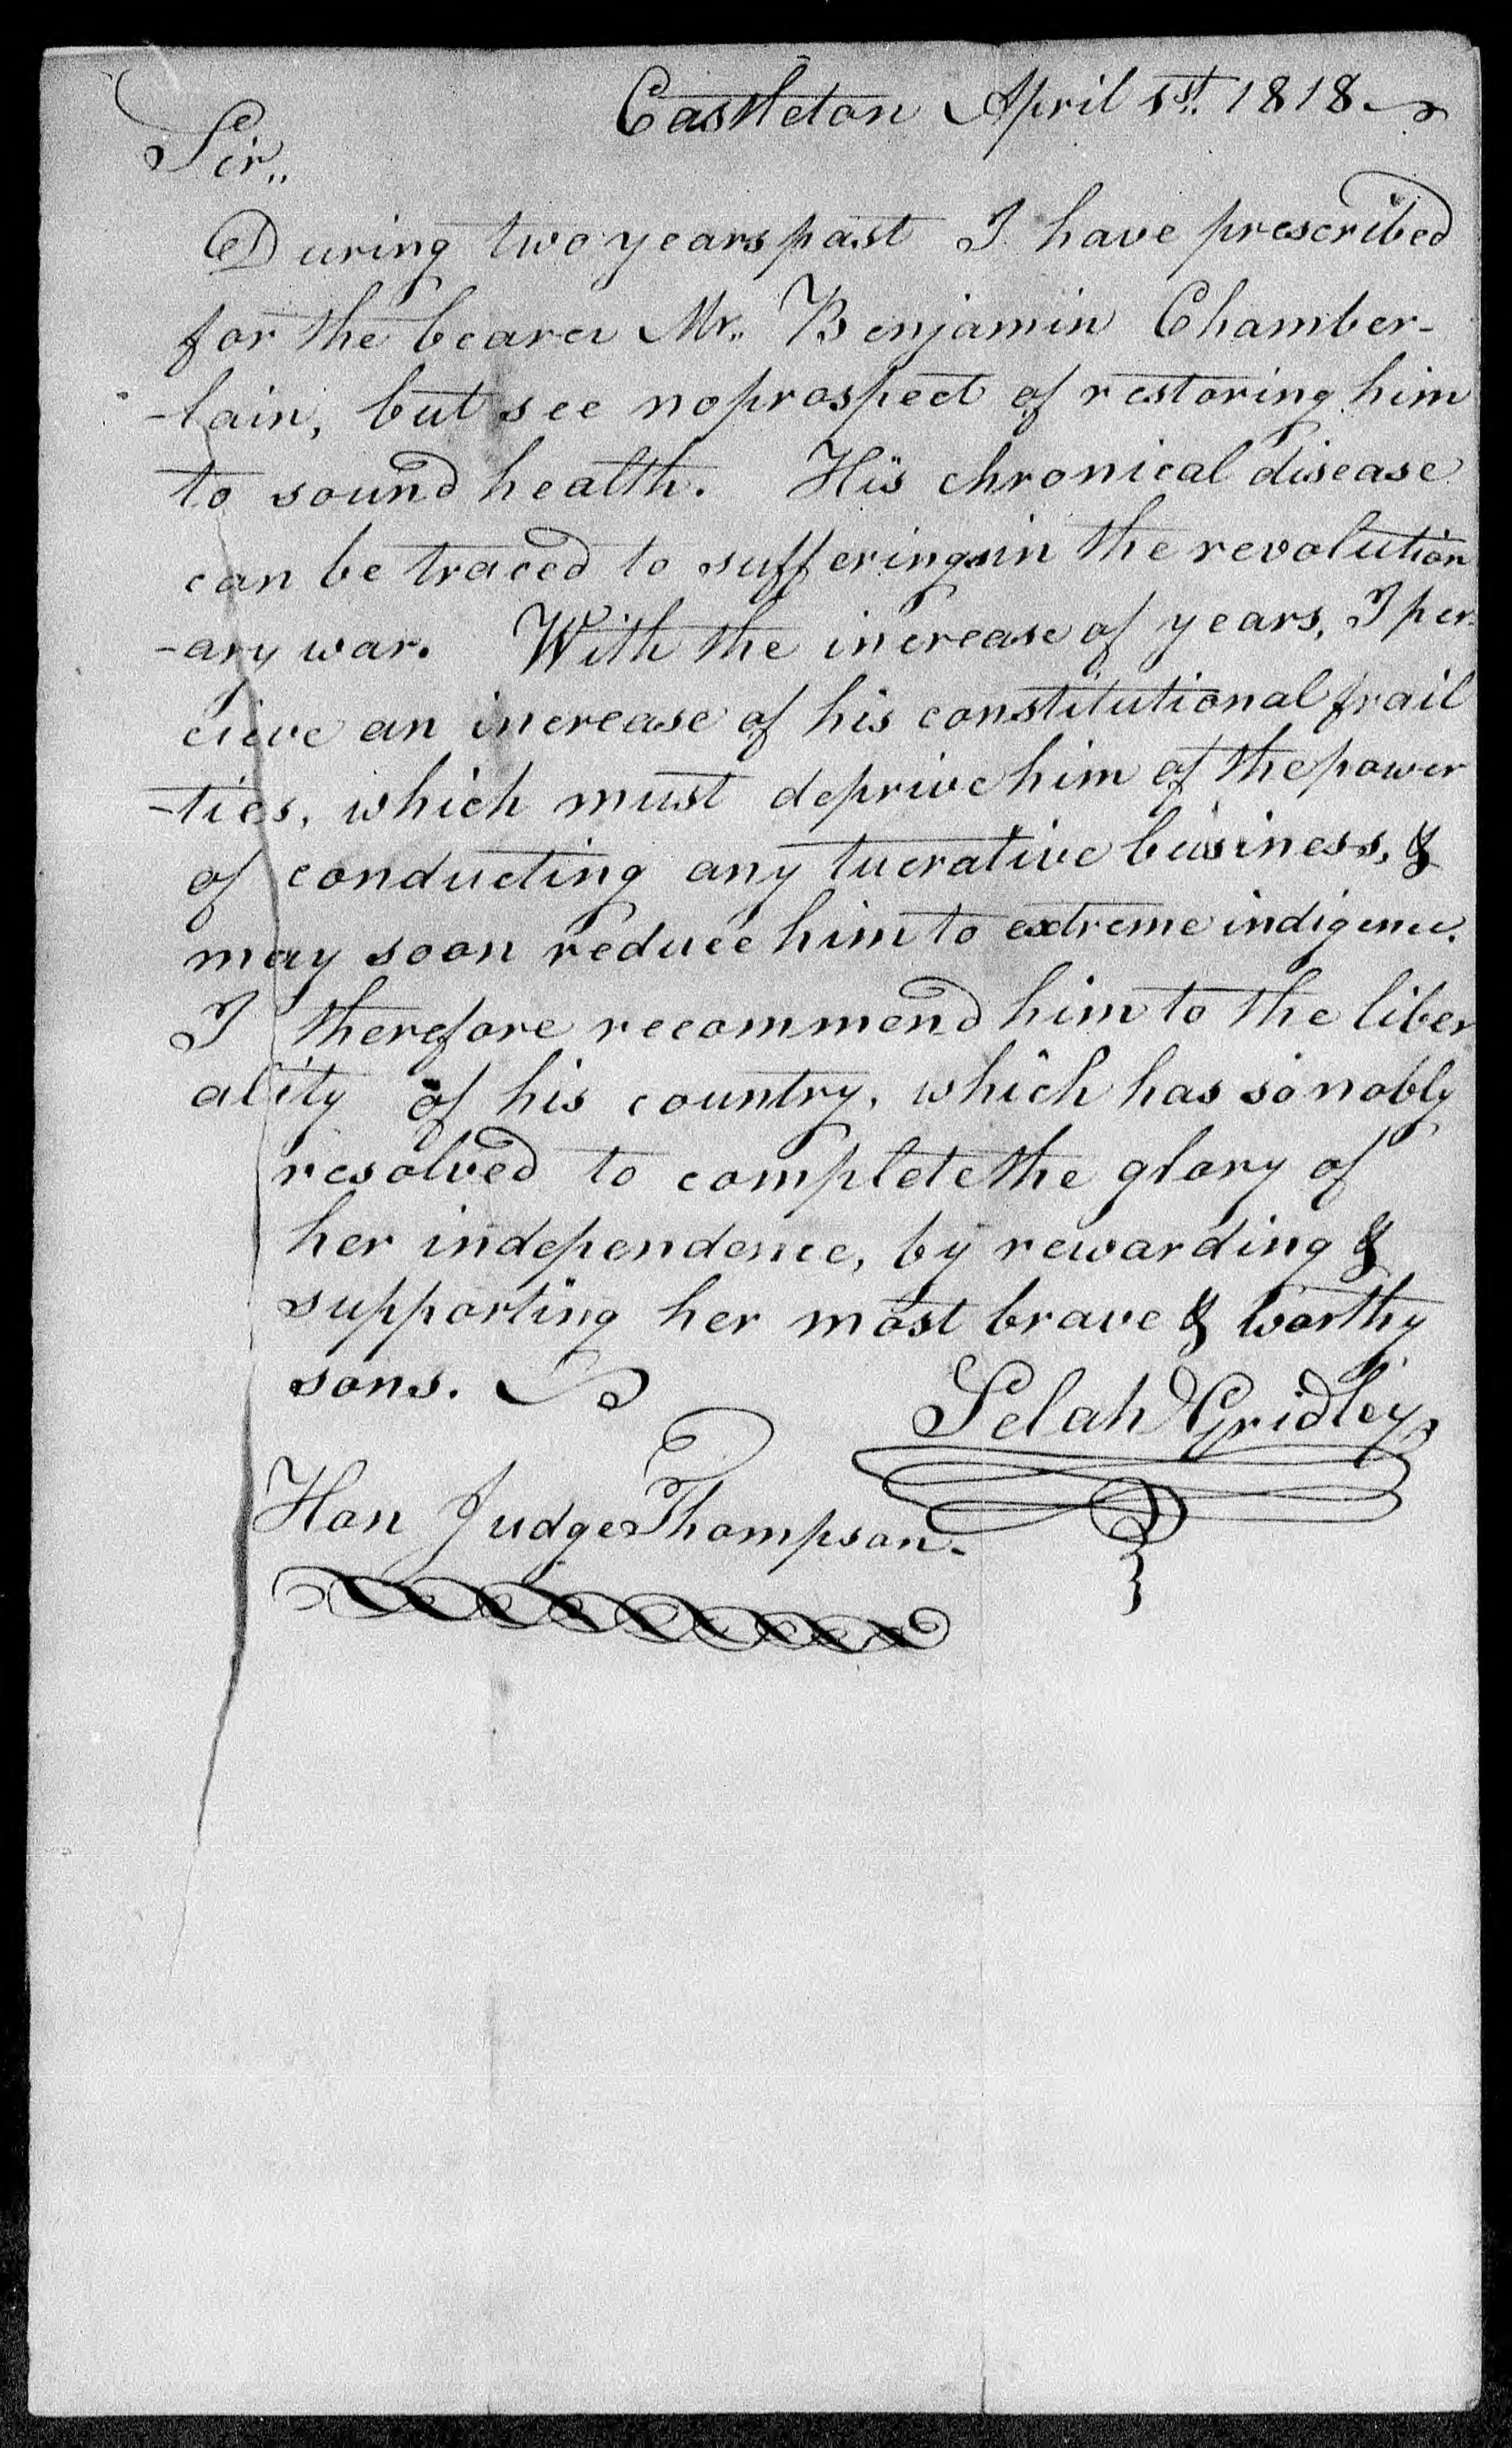Castleton April 1st 1818\Sir:
During two years past I have prescribed for the bearer Mr. Benhamin Chamberlain, but see no prospect of restoring him to sound health. His chronical disease can be traced to suffering in the revolutionary war. With the increase of years, I perceive an increase of his constitutional frailties, which must deprive him of the power of conducting any lucrative business, & may soon reduce him to extreme indigence. I therefore recommend him to the liberality of his country, which has so nobly resolved to complete the glory of her independence, by rewarding & supporting her most brave & worthy sons,   Lelah  Gridley
Hon Judge Thompson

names: Benjamin Chamberlain, Selah Gridley, Thompson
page: 26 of 30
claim: survivor's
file: S. 39306, Benjamin Chamberlin, Mass.